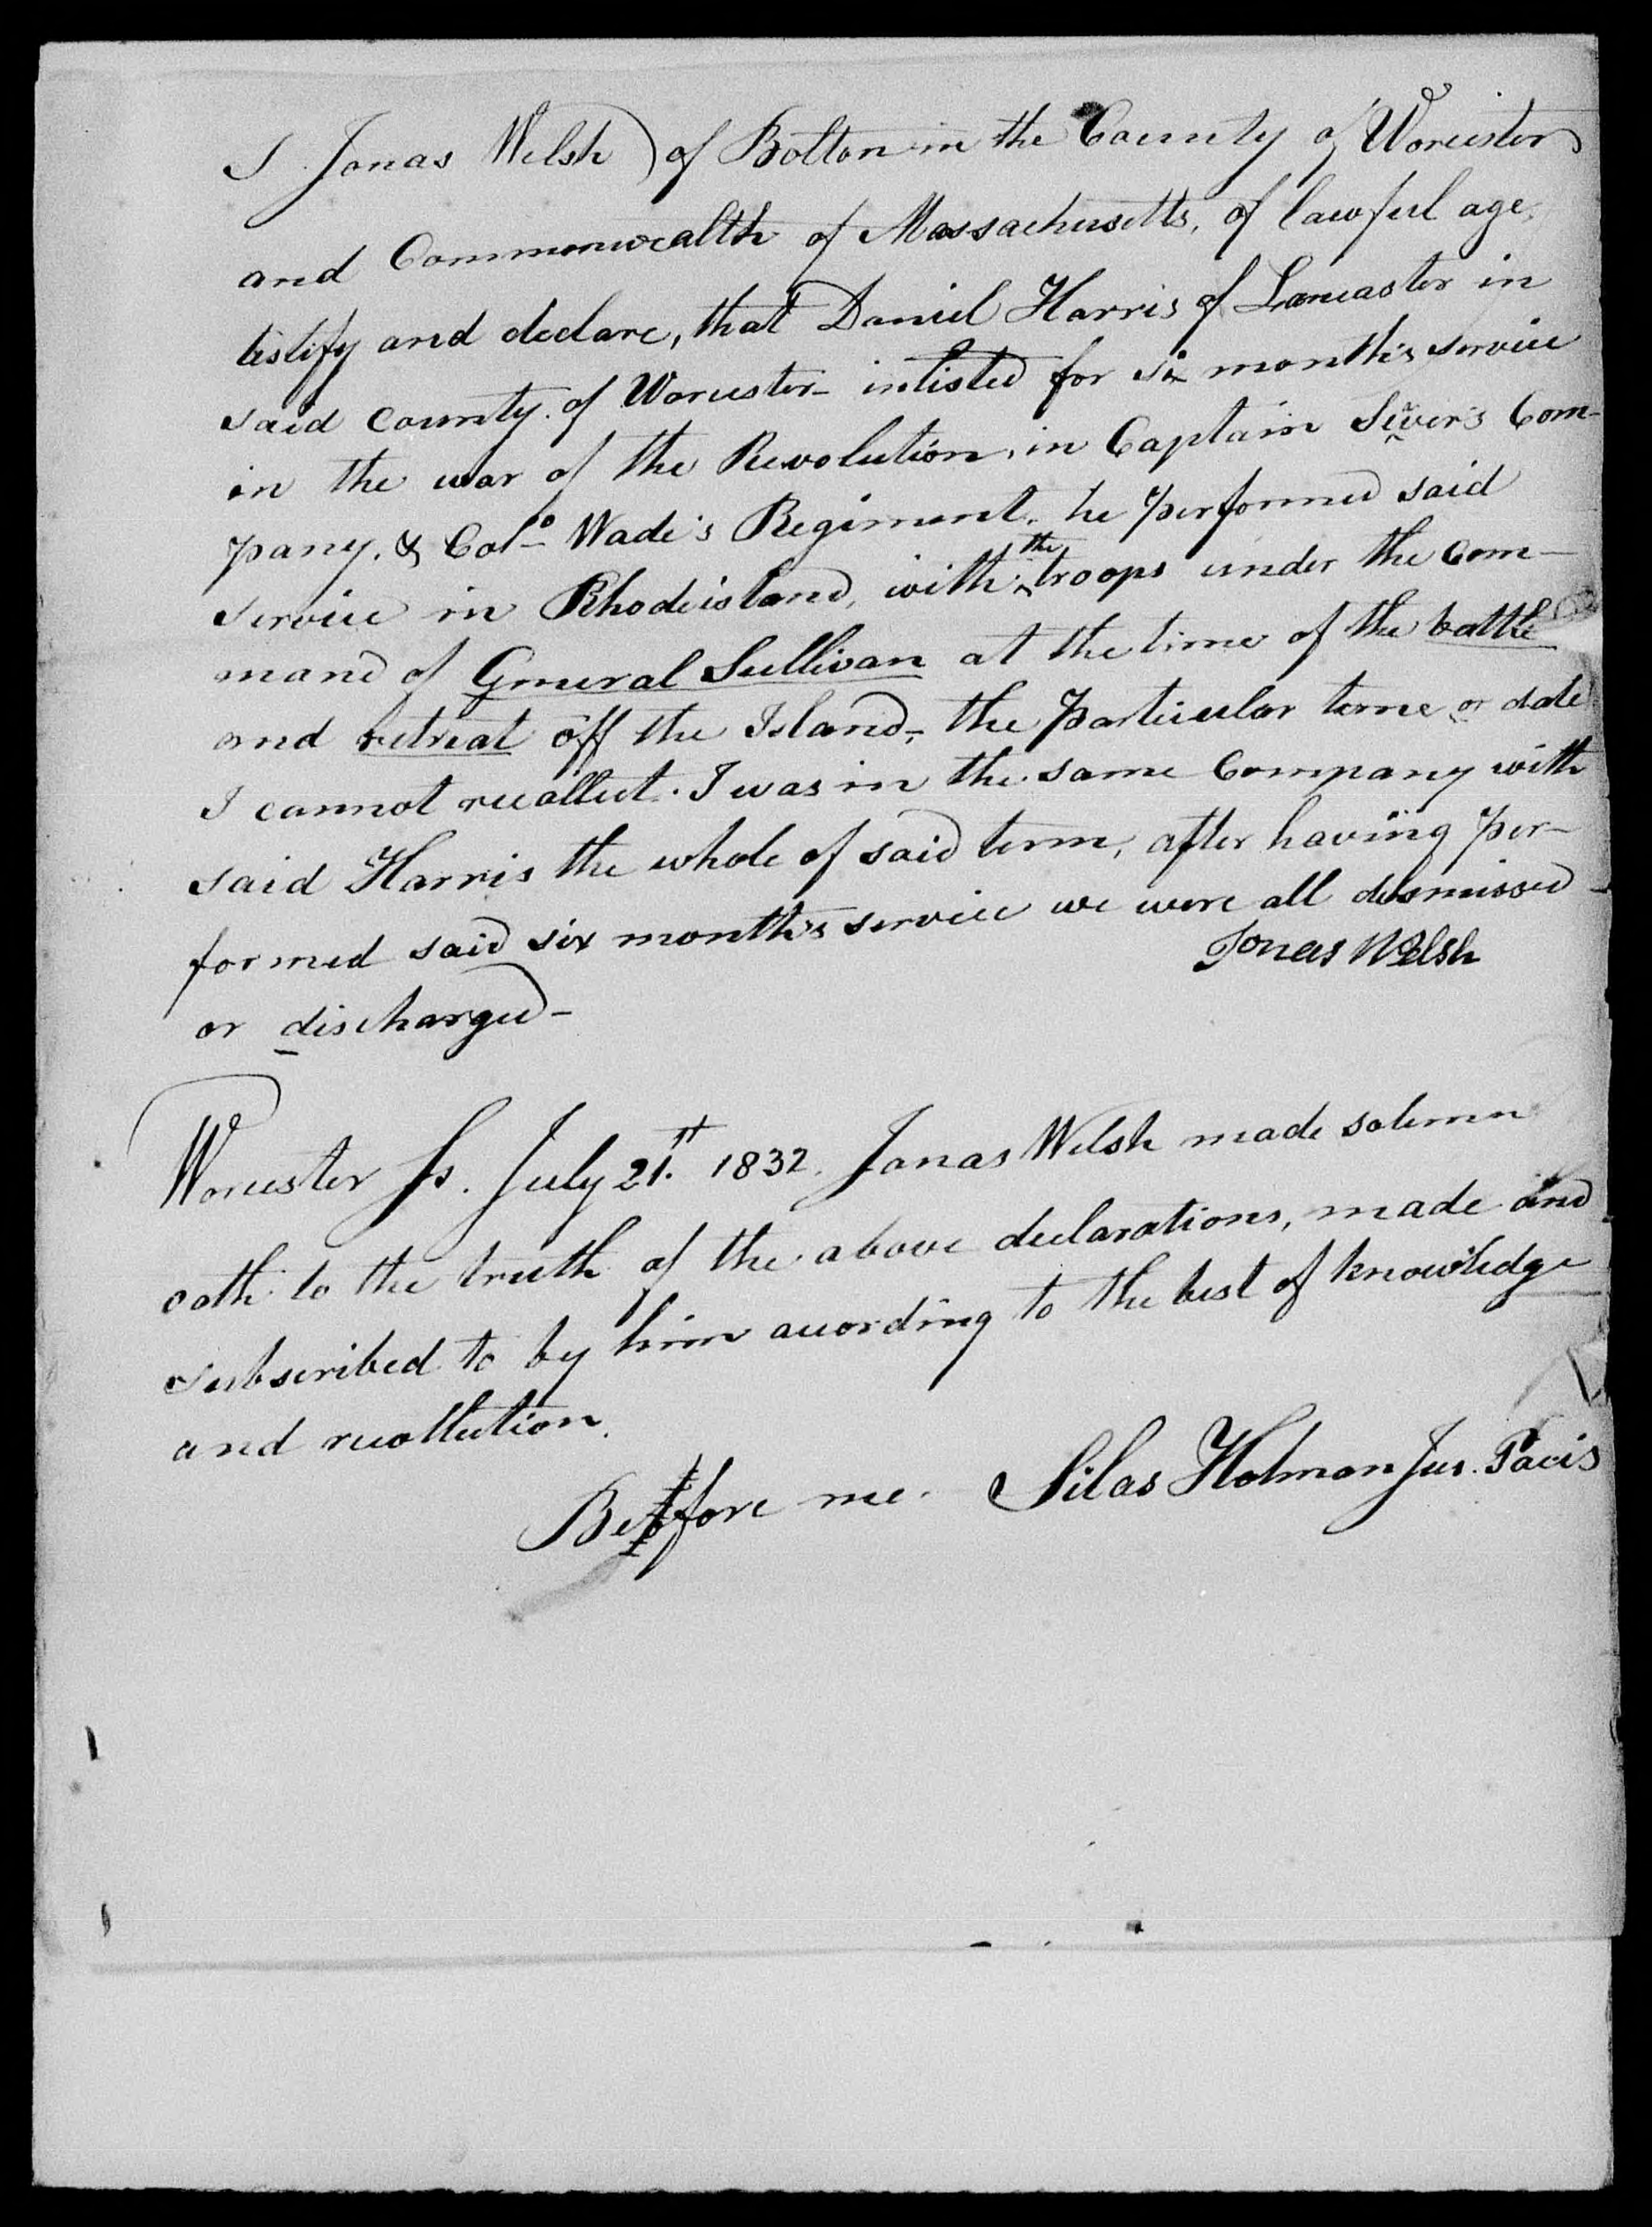I Jonas Walsh of Bolton in the County of Worcester and Commonwealth of Massachusetts of lawful yage testify and declare, that Daniel Harris of Lancaster in said county of Worcester inlisted for six month service in the war of the Revolution in Captain Seaver's Company & Col. Wade's Regiment, her performed said service in Rhode Island with the troops under the command of General Sullivan at the time of the battle and retreat off the Island - the particular time or date I cannot recollect. I was in the same Company with said Harris the whole of said time, after having performed said six months service we were al demissed or discharged. 

Signature of Jonas Walsh

Worcester Ss.  July 31st 1832
Jonas Walsh mad solemn oath to the truth of the above declaration, made and subscribed to by him according to the best of knowledge and resollution [resolution].

Before me 
Silas Holman  Jus. Peace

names: Jonas Welsh, Daniel Harris, Silas Holman, Harris, Jonas Welsh, Jonas Welsh, Sullivan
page: 18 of 68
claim: survivor's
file: S. 29,877, Daniel Harris, Mass.